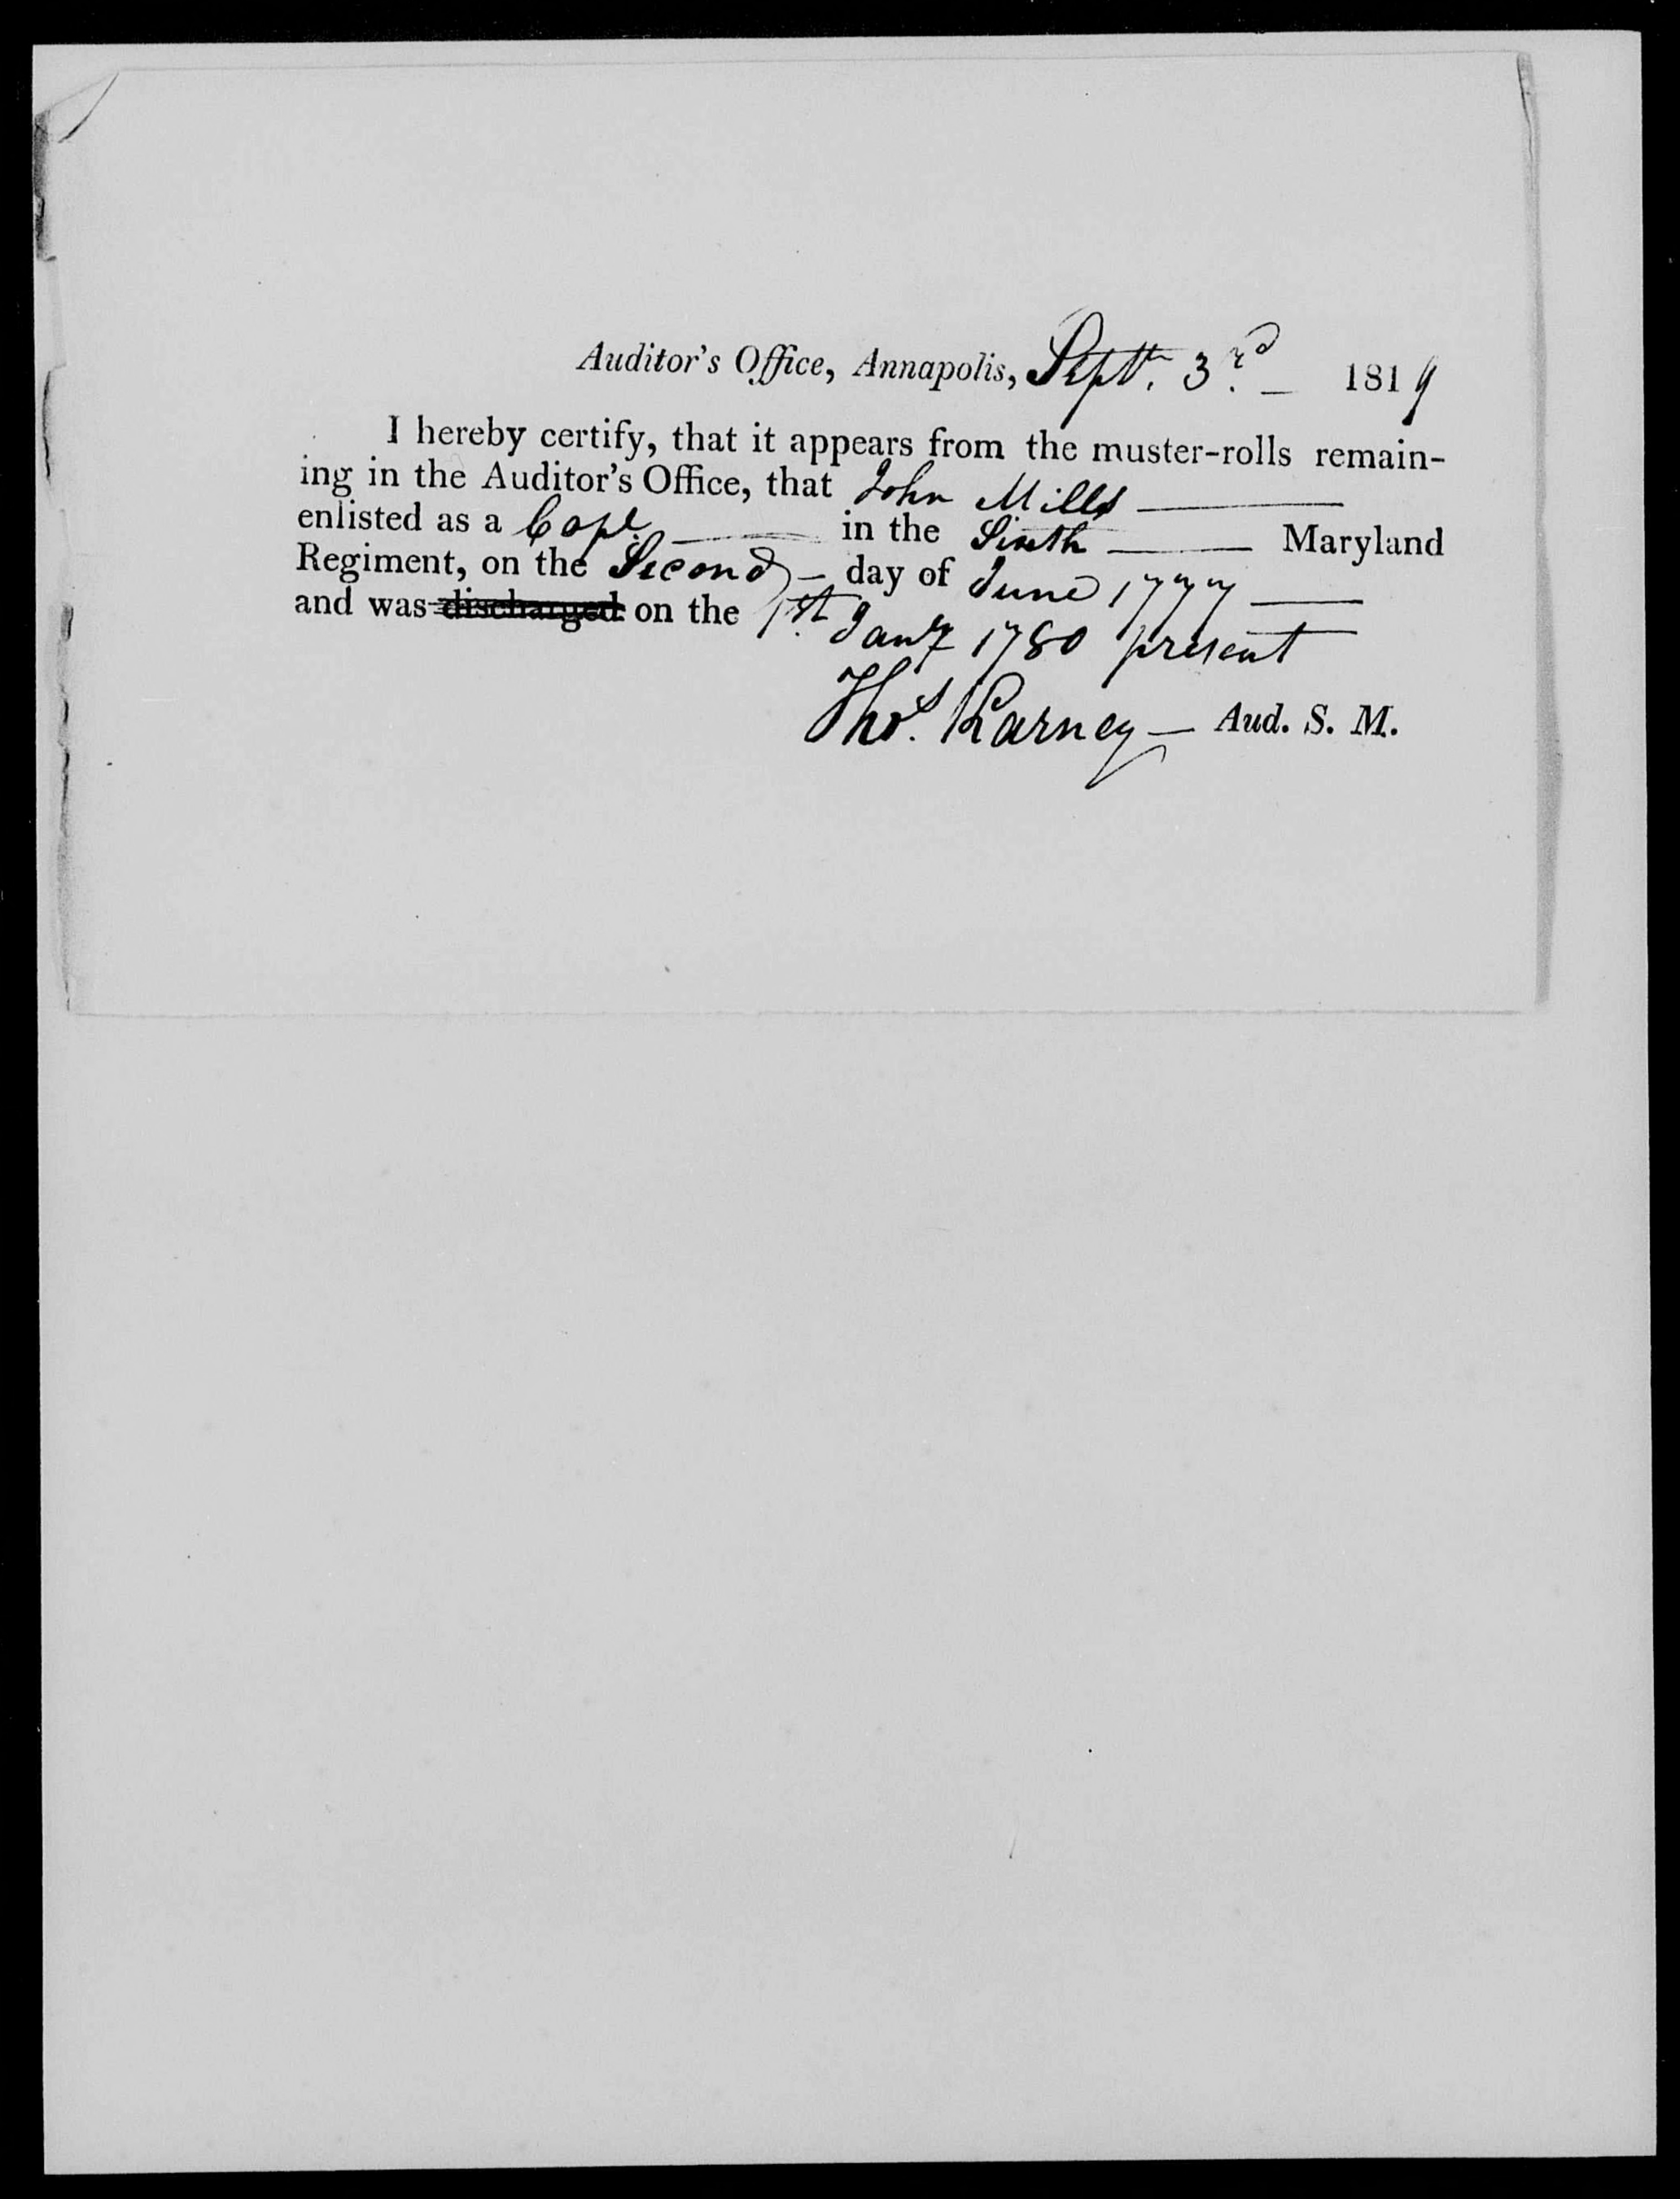Auditor's Office, Annapolis, Sept 3rd, 1819

I hereby certify that it appears from the muster-rolls remaining in the Auditor's Office, that John Mills enlisted as a Capt. in the Sixth Maryland Regiment on the Second day of June 1777 and was on the 1st Jany 1780 present.

Thos Karney - Aud. S.M.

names: Thos Karney; John Mills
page: 20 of 24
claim: survivor's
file: S 36138, for John Miles, Maryland